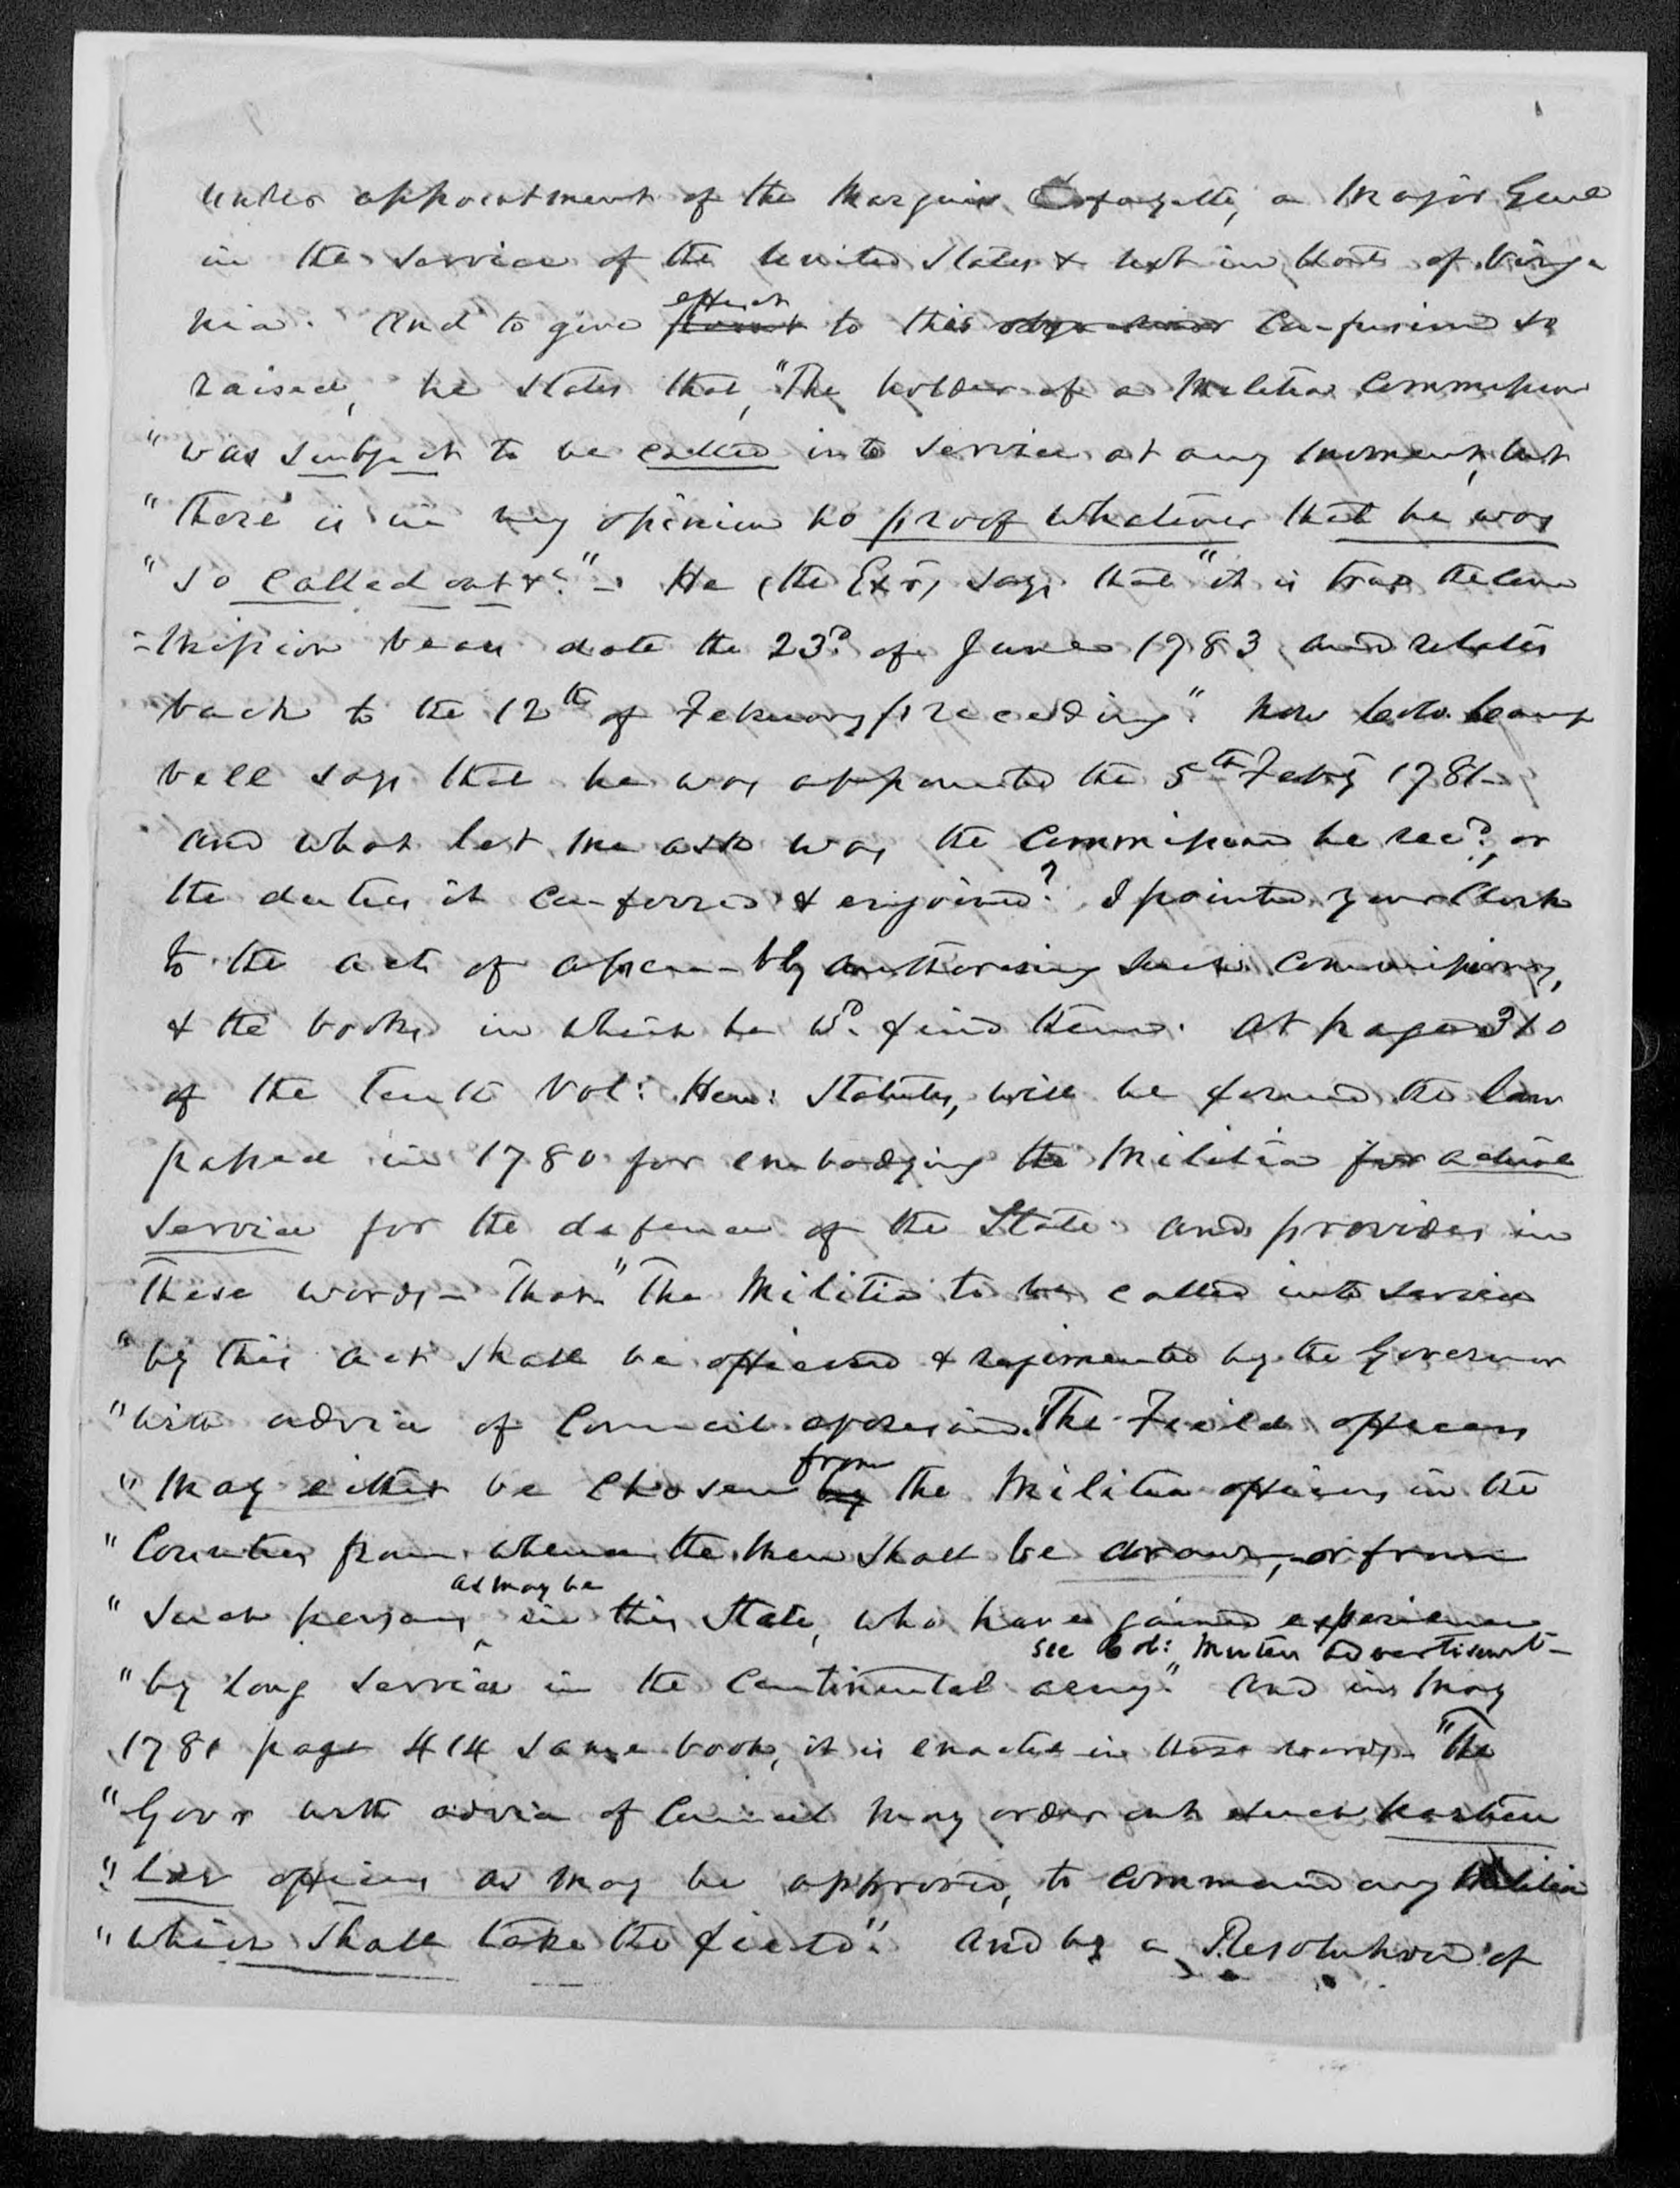under appointment of the Margins formerly a Major Give in the service of the United States & next in bonds of Virginia. And to give effect to this Confirm & raised he states that "the holder of a Militia, commission was subject to be called into service at any time as there is in my opinion no proof whatever that he was 
so called out &c." He (the Exr says that "it is true Mission bears date the 23rd of June 1783 and dates  back to the 12th of February  preceding." Now Col Camp will say that he was appointed the 5th Feby 1781 and what let me ask was the commission he recd?  or the duties conferred & enjoined? I pointed your Clerk to the act of assembly as therein said commission & the book in which he we find time: at page 340 of the tent Vol: Hen Statutes, will be formed the law passed in 1780 for embodying the Militia for active
Service for the defence of the State and provides in these words. That "the militia to be called into service by this act shall be officed & regimented by the Governor with advice of Council aforesaid. The field officers May either be chosen from the Militia officers in the
County from wherein the then shall be drawn, or from such persons as may be in this State, who have gained experience long service in the Continental army" see Col. Marten Continental and in May 1781 page 414 same book, it is enacted in those countys "the
Govnr with advice of Counsel may order out such [illegible hasten] officers as may be approved, to command any in which shall take the field."  and by a Resolution of
-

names: Statuler, Campbell, Merten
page: 232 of 267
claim: widow's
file: W. 4,149, William Campbell, Va.